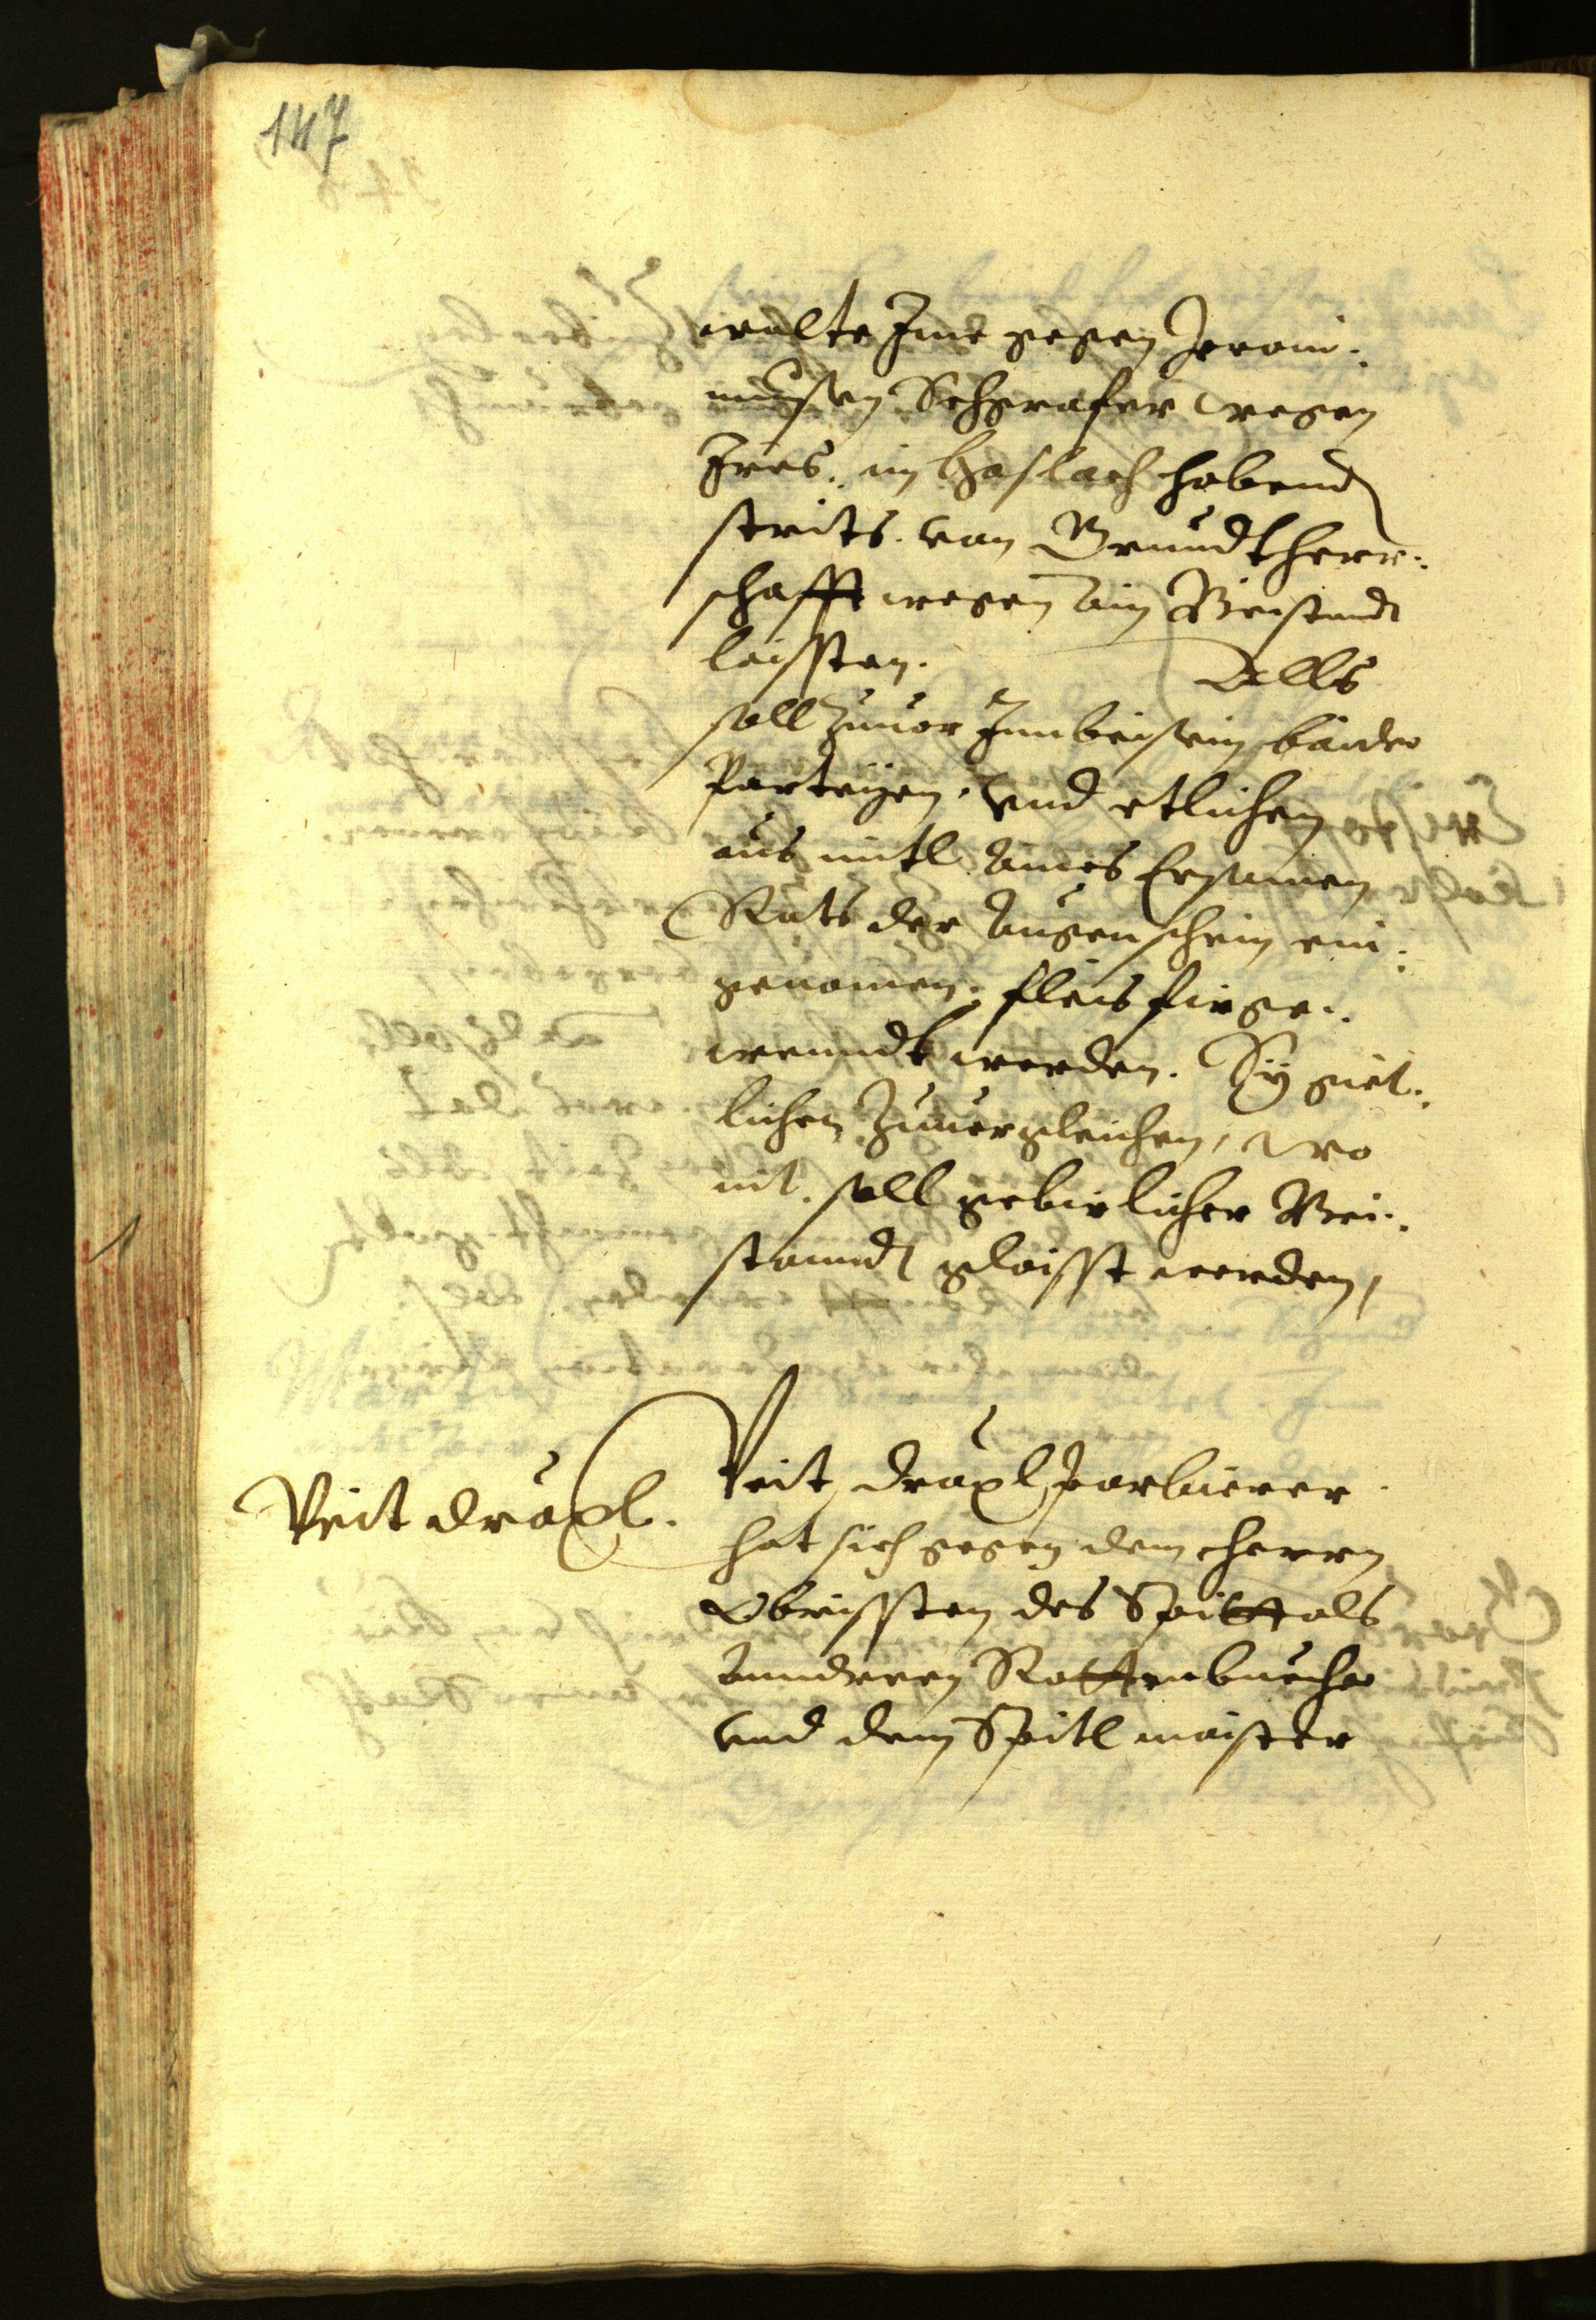147
wolte Ime gegen Jeroni¬
mūsen Schgrafer wegen
Ires in Haslach habend
streits. von Grūndtherr¬
schafft wegen Ain Beistandt
laissten. Alls
soll Zūūor Inn beisein baider
Parteÿen. vnd etlichen
aūs mitl Aines Ersamen
Rats der Aūgenschein ein¬
genomen. fleis firge¬
wenndt werden. Sÿ gūet¬
lichen Zūūergleichen, wo
nit. soll gebirlicher Bei¬
stanndt glaisst werden,
Veit Drāxl parbierer.
hat sich gegen dem herrn
Obrissten des Spittals
Anndreen Rottenbūecher
vnd dem Spitl maister
Veit Drāxl.